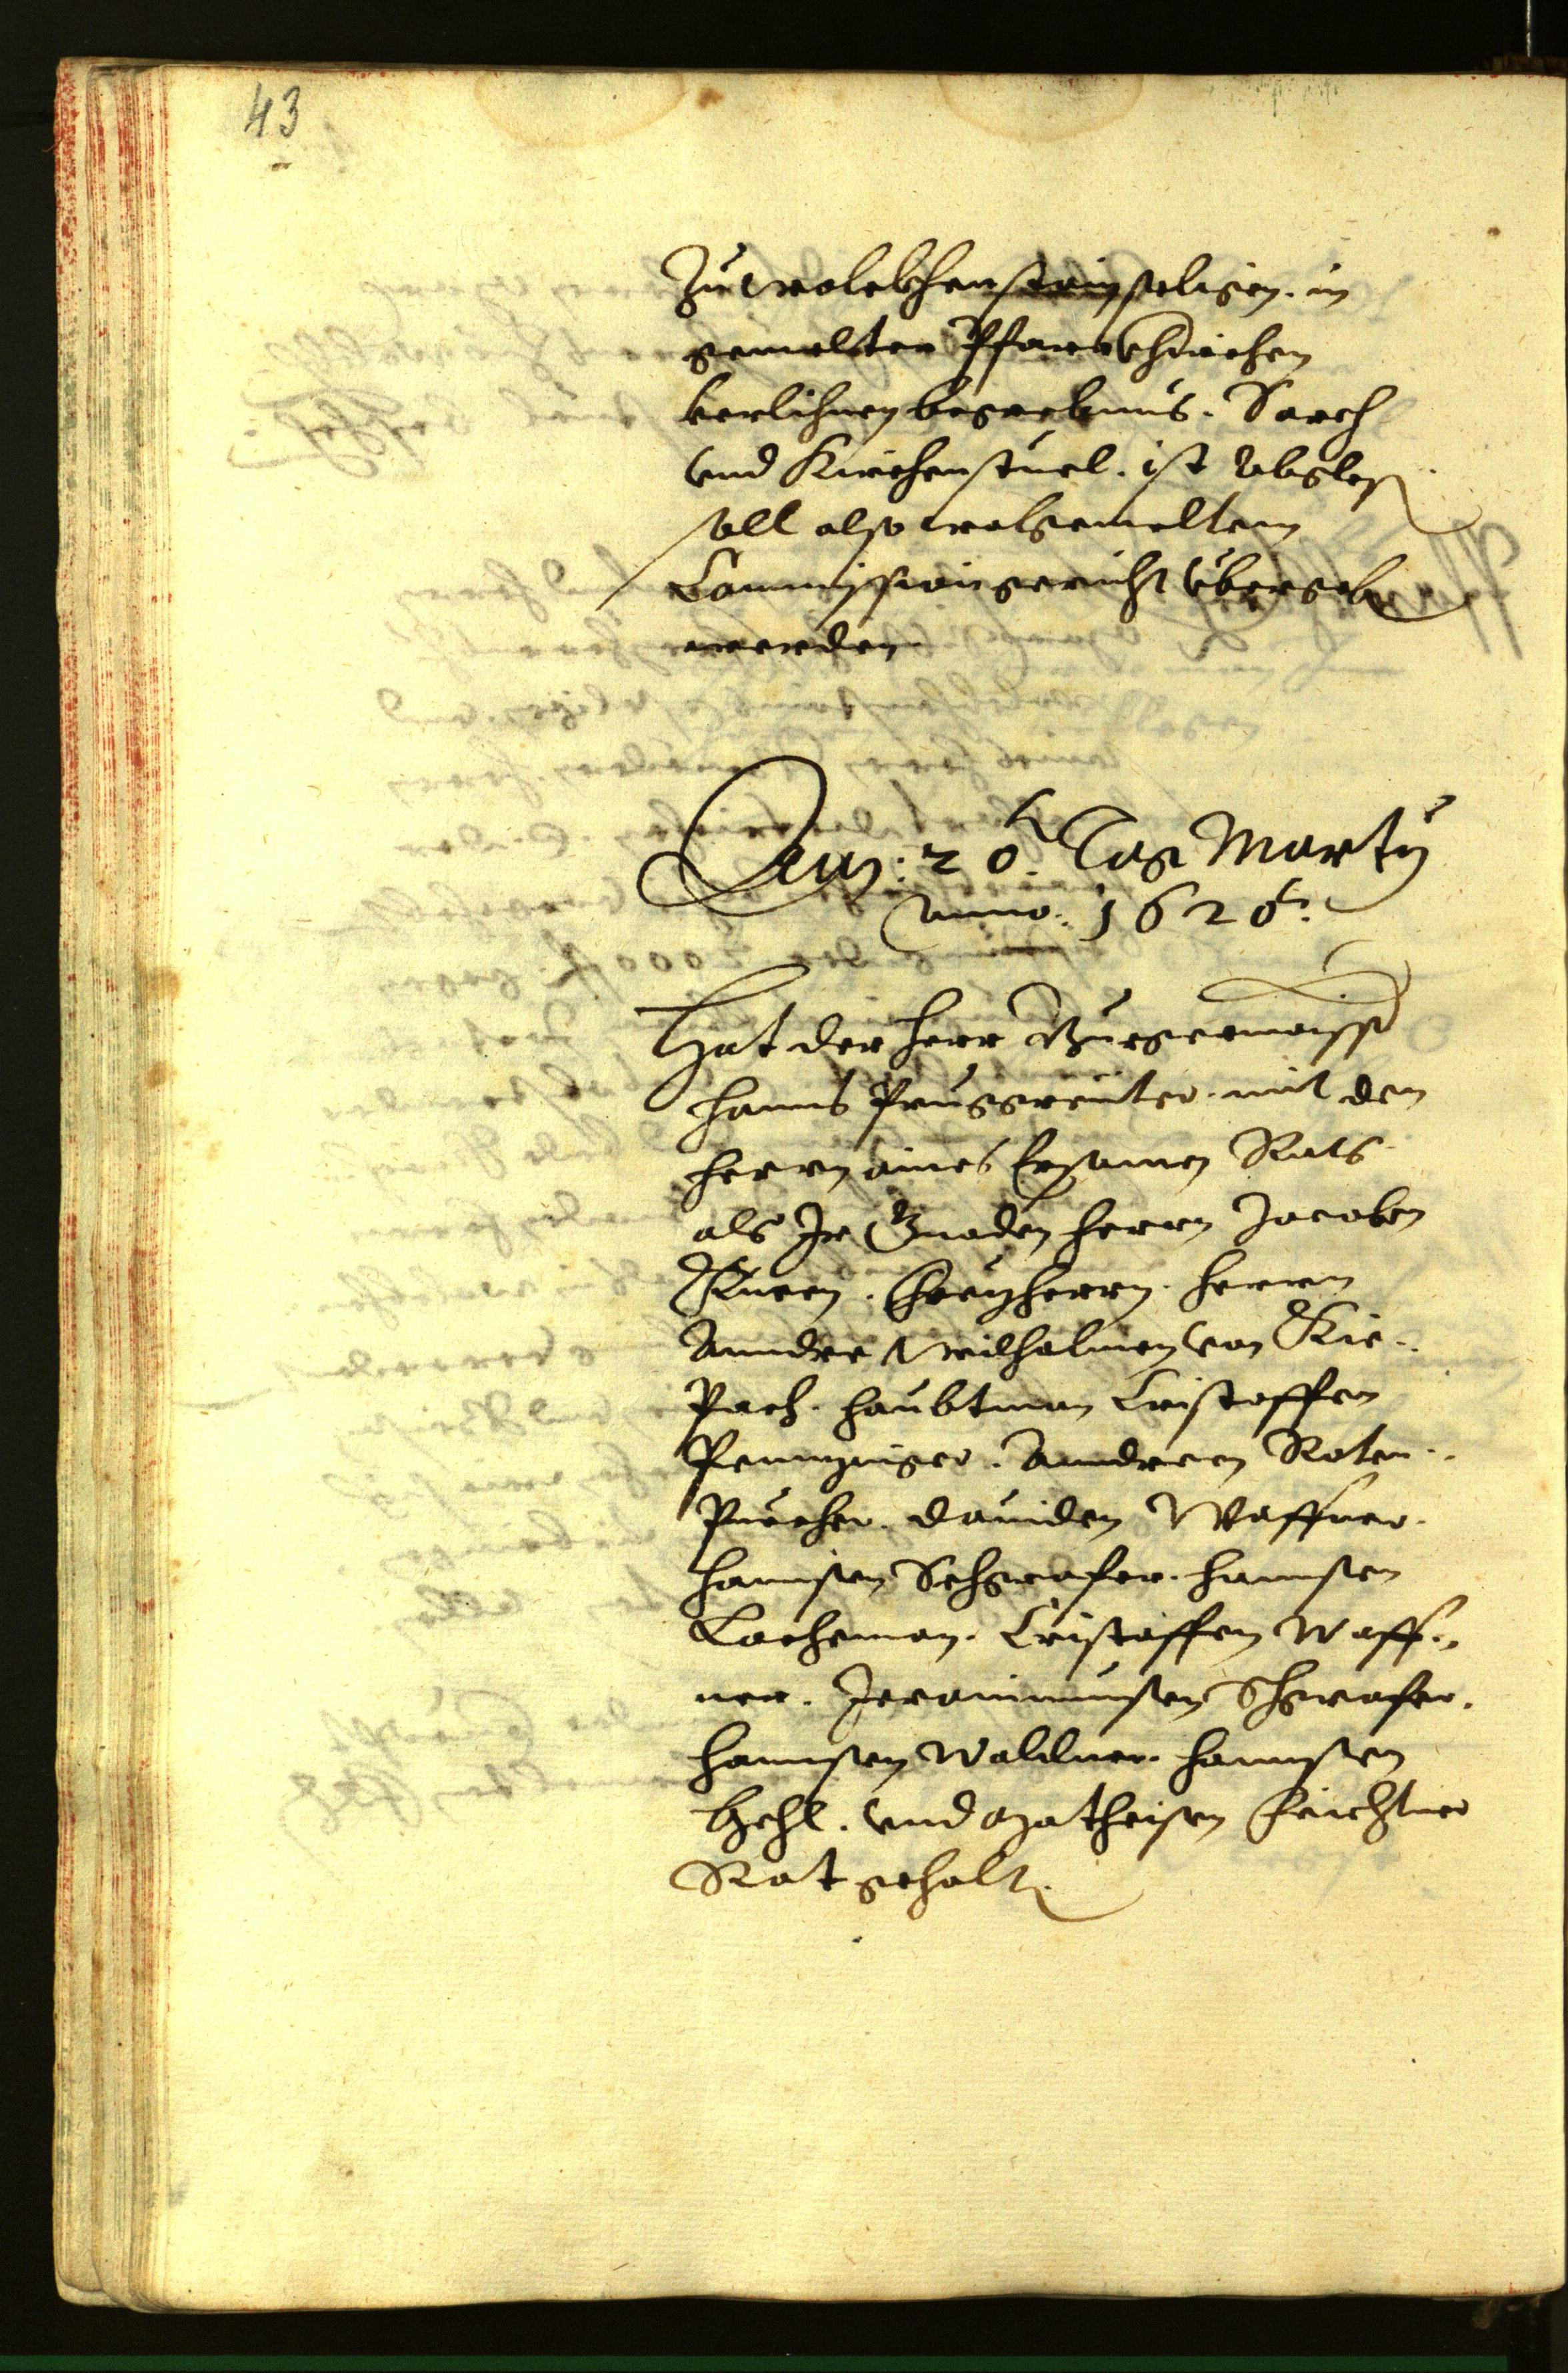43
Zū wolckhenstain seligen. in
gemelter Pfarrkhirchen
verlihnen begrebūng. Sarch
vnd Kirchenstūel. ist Abgles.
soll also wolgemeltem
Commissiongericht v̄bergeb
werden.
t
Am: 20. Tag Martȳ
Anno: 1620 t.
Hat der herr Būrgermaisst
hanns Prūggreüter. mit den
herrn aines Ersamen Rats
als Ir Gnaden herrn Jacoben
Kūeen. Freȳherrn. herrn
Anndre Wilhalmen von Kie¬
Pach. haūbtman Cristoffen
Pennzinger. Anndreen Roten¬
Pūecher. Daūiden Waffner.
hannsen Schgrafer. hannsen
Locheman. Cristoffen Waff¬
ner. Jeronimūsen Schgrafer.
hannsen Waldner. hannsen
Hehl. vnd Matheisen Feichtner
Rat gehalt.